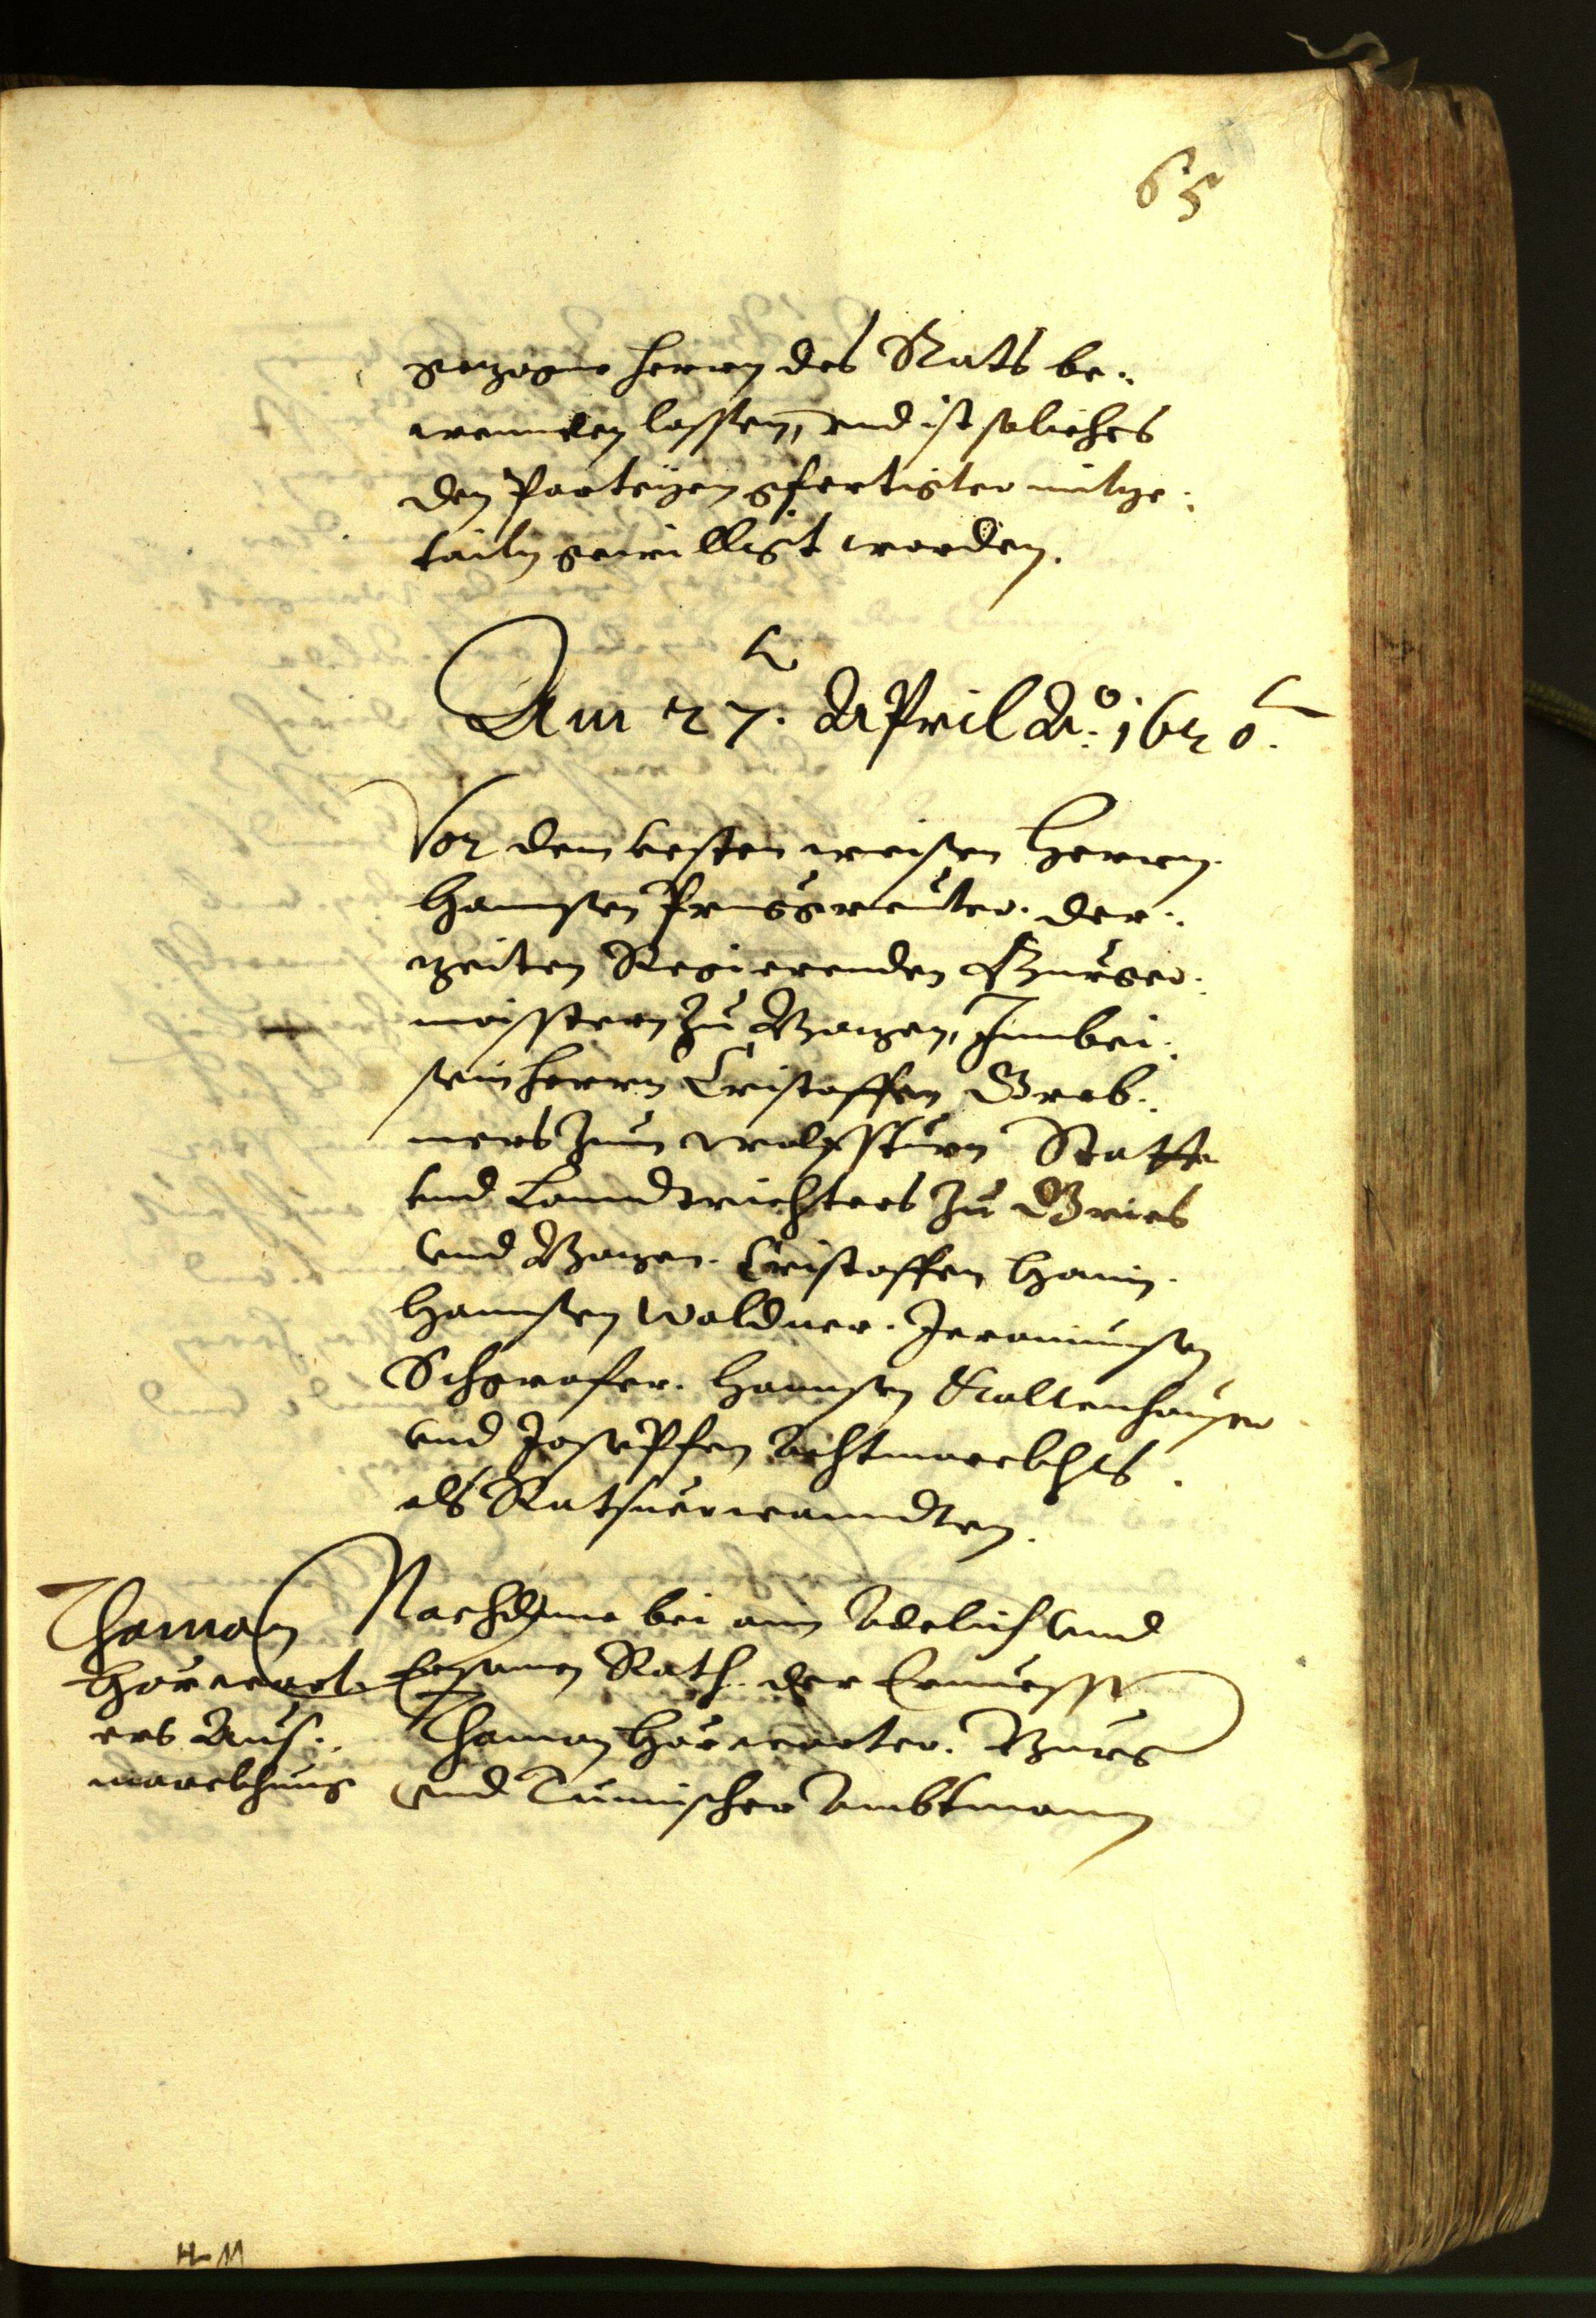65
gezogne herrn des Rats be¬
wennden lassen vnd ist soliches
den Parteÿen gfertigter mitze¬
tailn gewilligt worden.
Am 27t. APril Ao: 1620 t.
Vor dem vesten weisen Herrn
Hannsen Prūggreūter der¬
zeiten Regierenden Būrger¬
maisstern Zū Bozen, Innbei¬
sein herrn Cristoffen Greb¬
ners Zūm Wolfstūrn Statt¬
vnd Lanndtrichters Zū Gries
vnd Bozen. Cristoffen Haim.
Hannsen Waldner, Jeronimūsen
Schgrafer. Hannsen Kaltenhaūser
vnd Joseffen Achtmarckhts.
als Ratsūerwanndten.
Nachdeme bei ain Adelich vnd
Ersamen Rath der Ernūesst
Thoman Hōrwarter Būrg
vnd Tūnnischer Ambtmann
Thoman
Hōrwart¬
ers Aūs¬
marckhūng